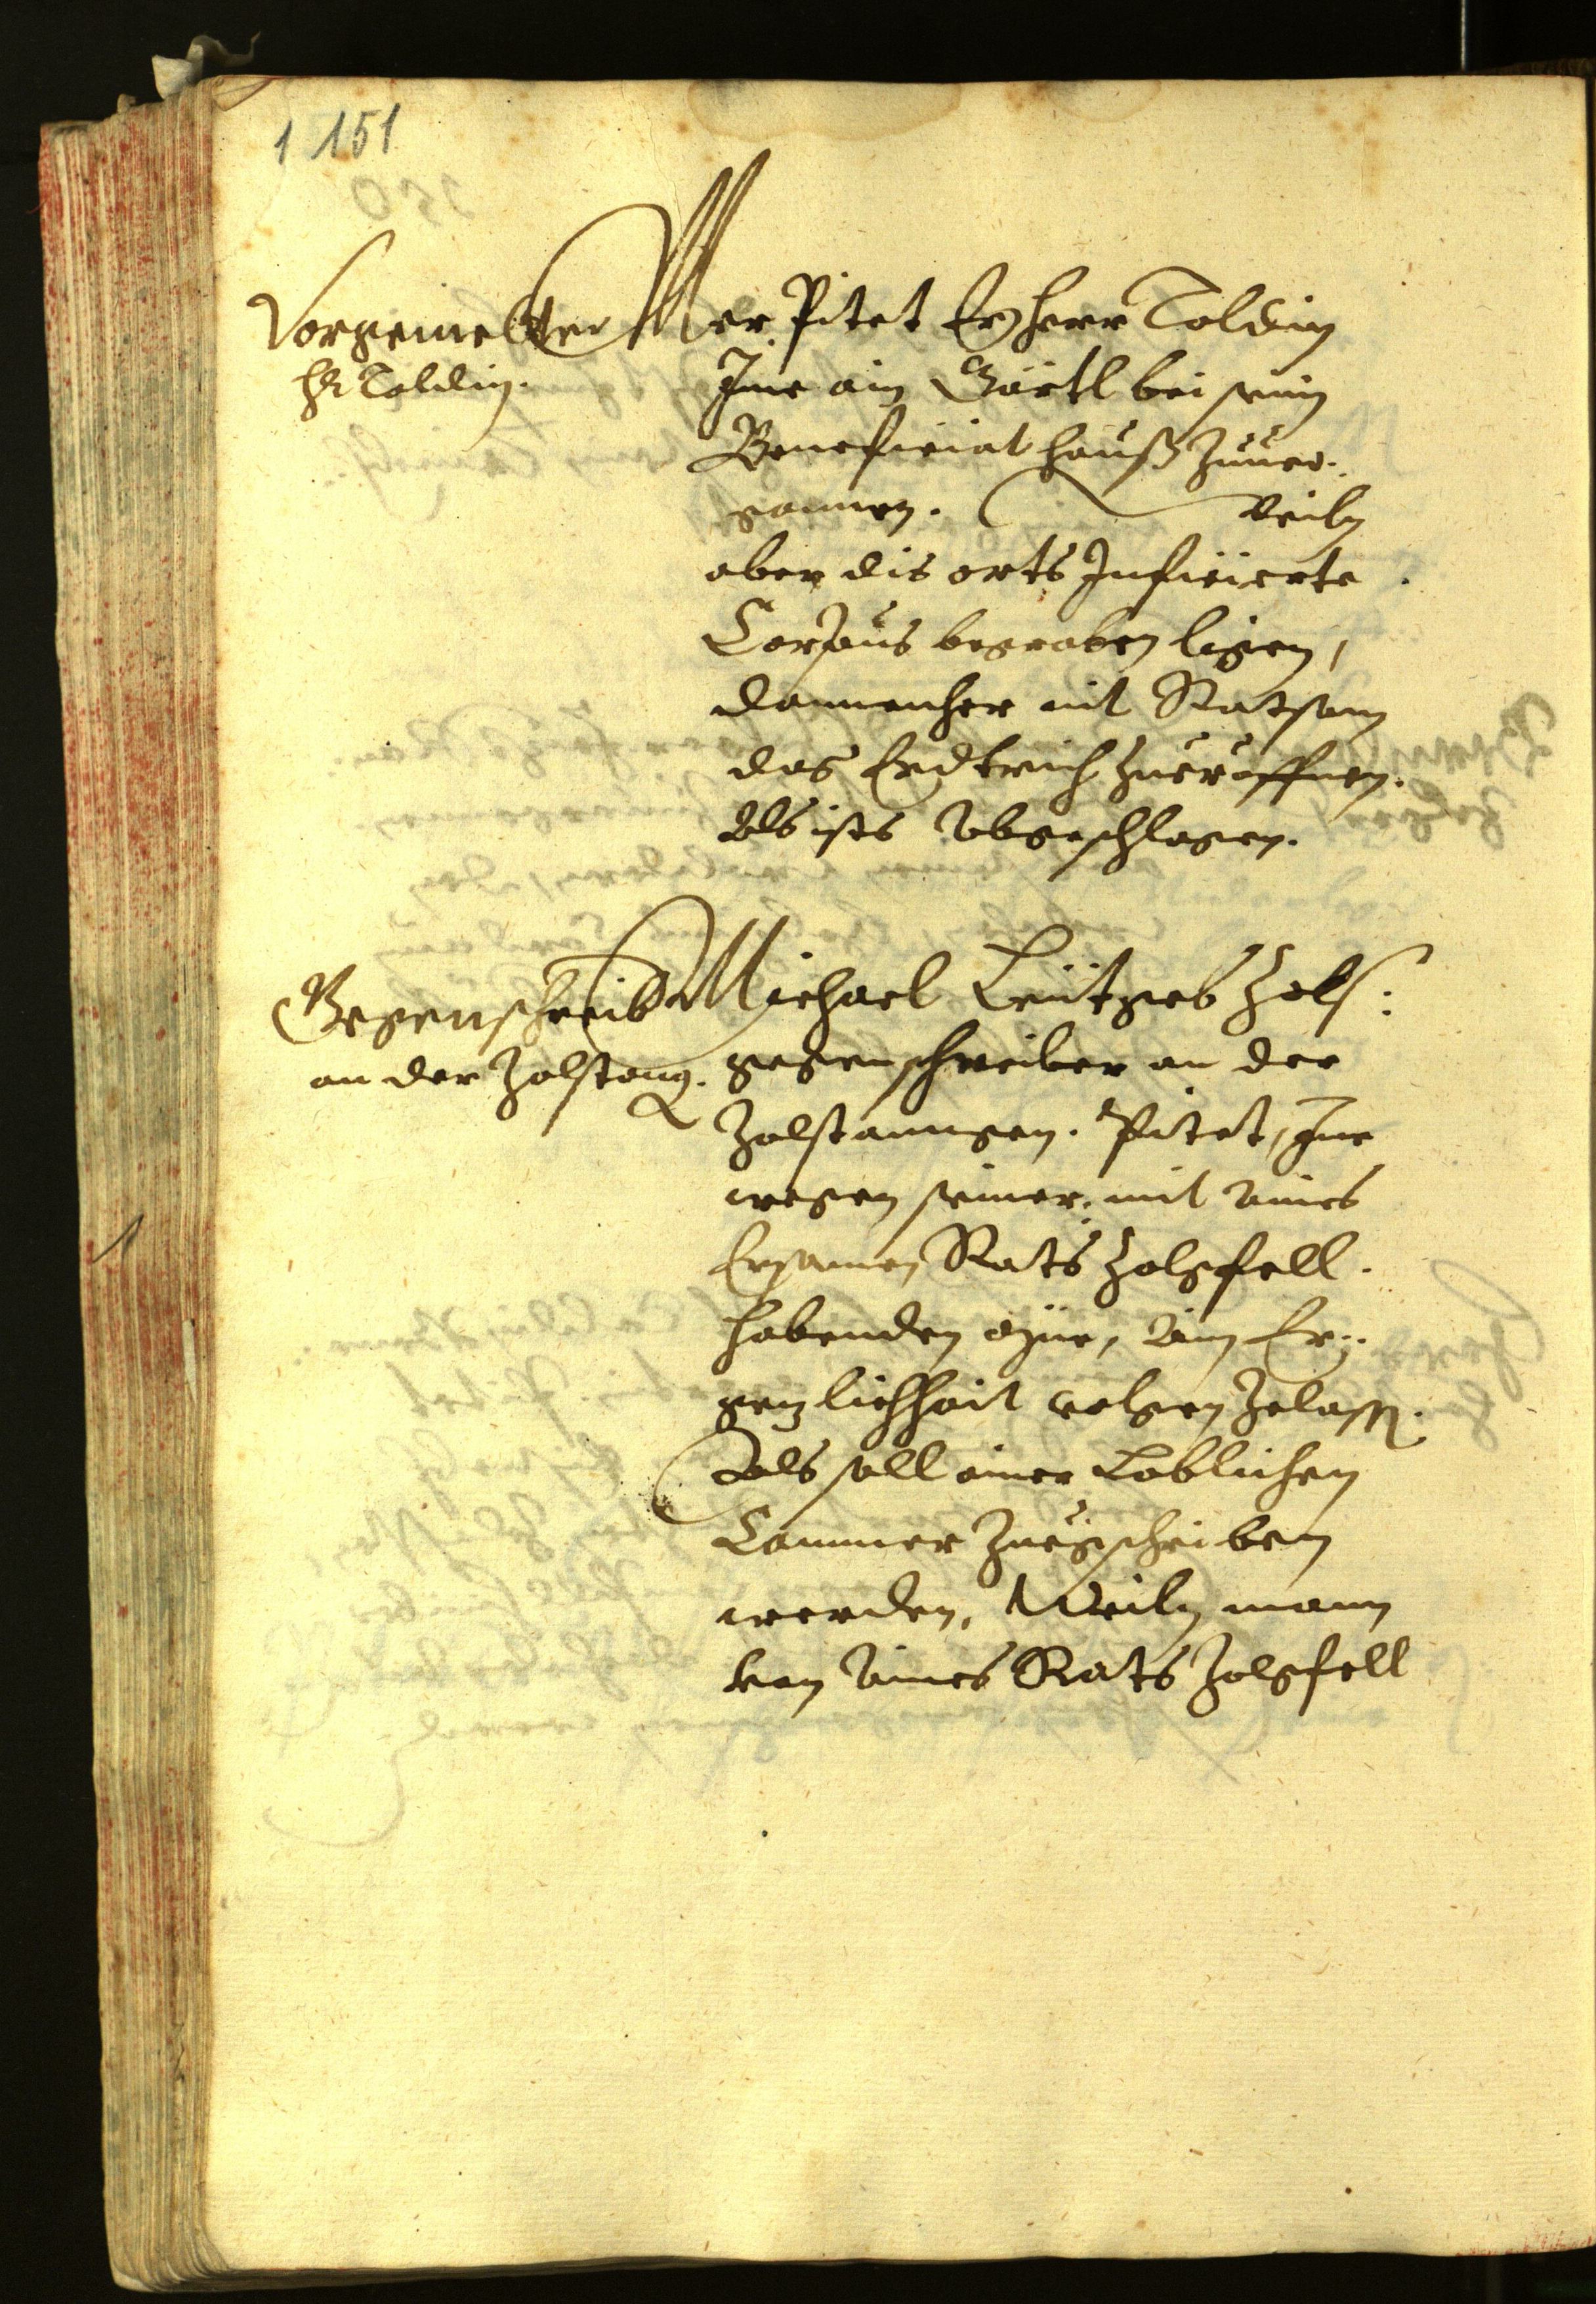1 151
Mer Pitet Er herr Toldin
Ime ain Gärtl bei seim
Beneficiat haūß Zūūer¬
gonnen. Weiln
aber dis orts Inficierte
CorPūs begraben ligen,
dannenher nit Ratsam
das Erdtreich Zūerōffnen.
Als ists Abgeschlagen.
Vorgemelter
h Toldin.
Michael Leütgeb Zols¬
gegenschreiber an der
Zolstanngen. Pitet Ime
wegen seiner: mit Aines
Ersamen Rats Zolgfell.
habenden Müe, Ain Er¬
gezlichhait volgen Zelass.
Als soll ainer Loblichen
Cammer Zūegeschriben
werden. Weiln mann
von Aines Rats Zolgfell
Gegenschreib
an der Zolstang.